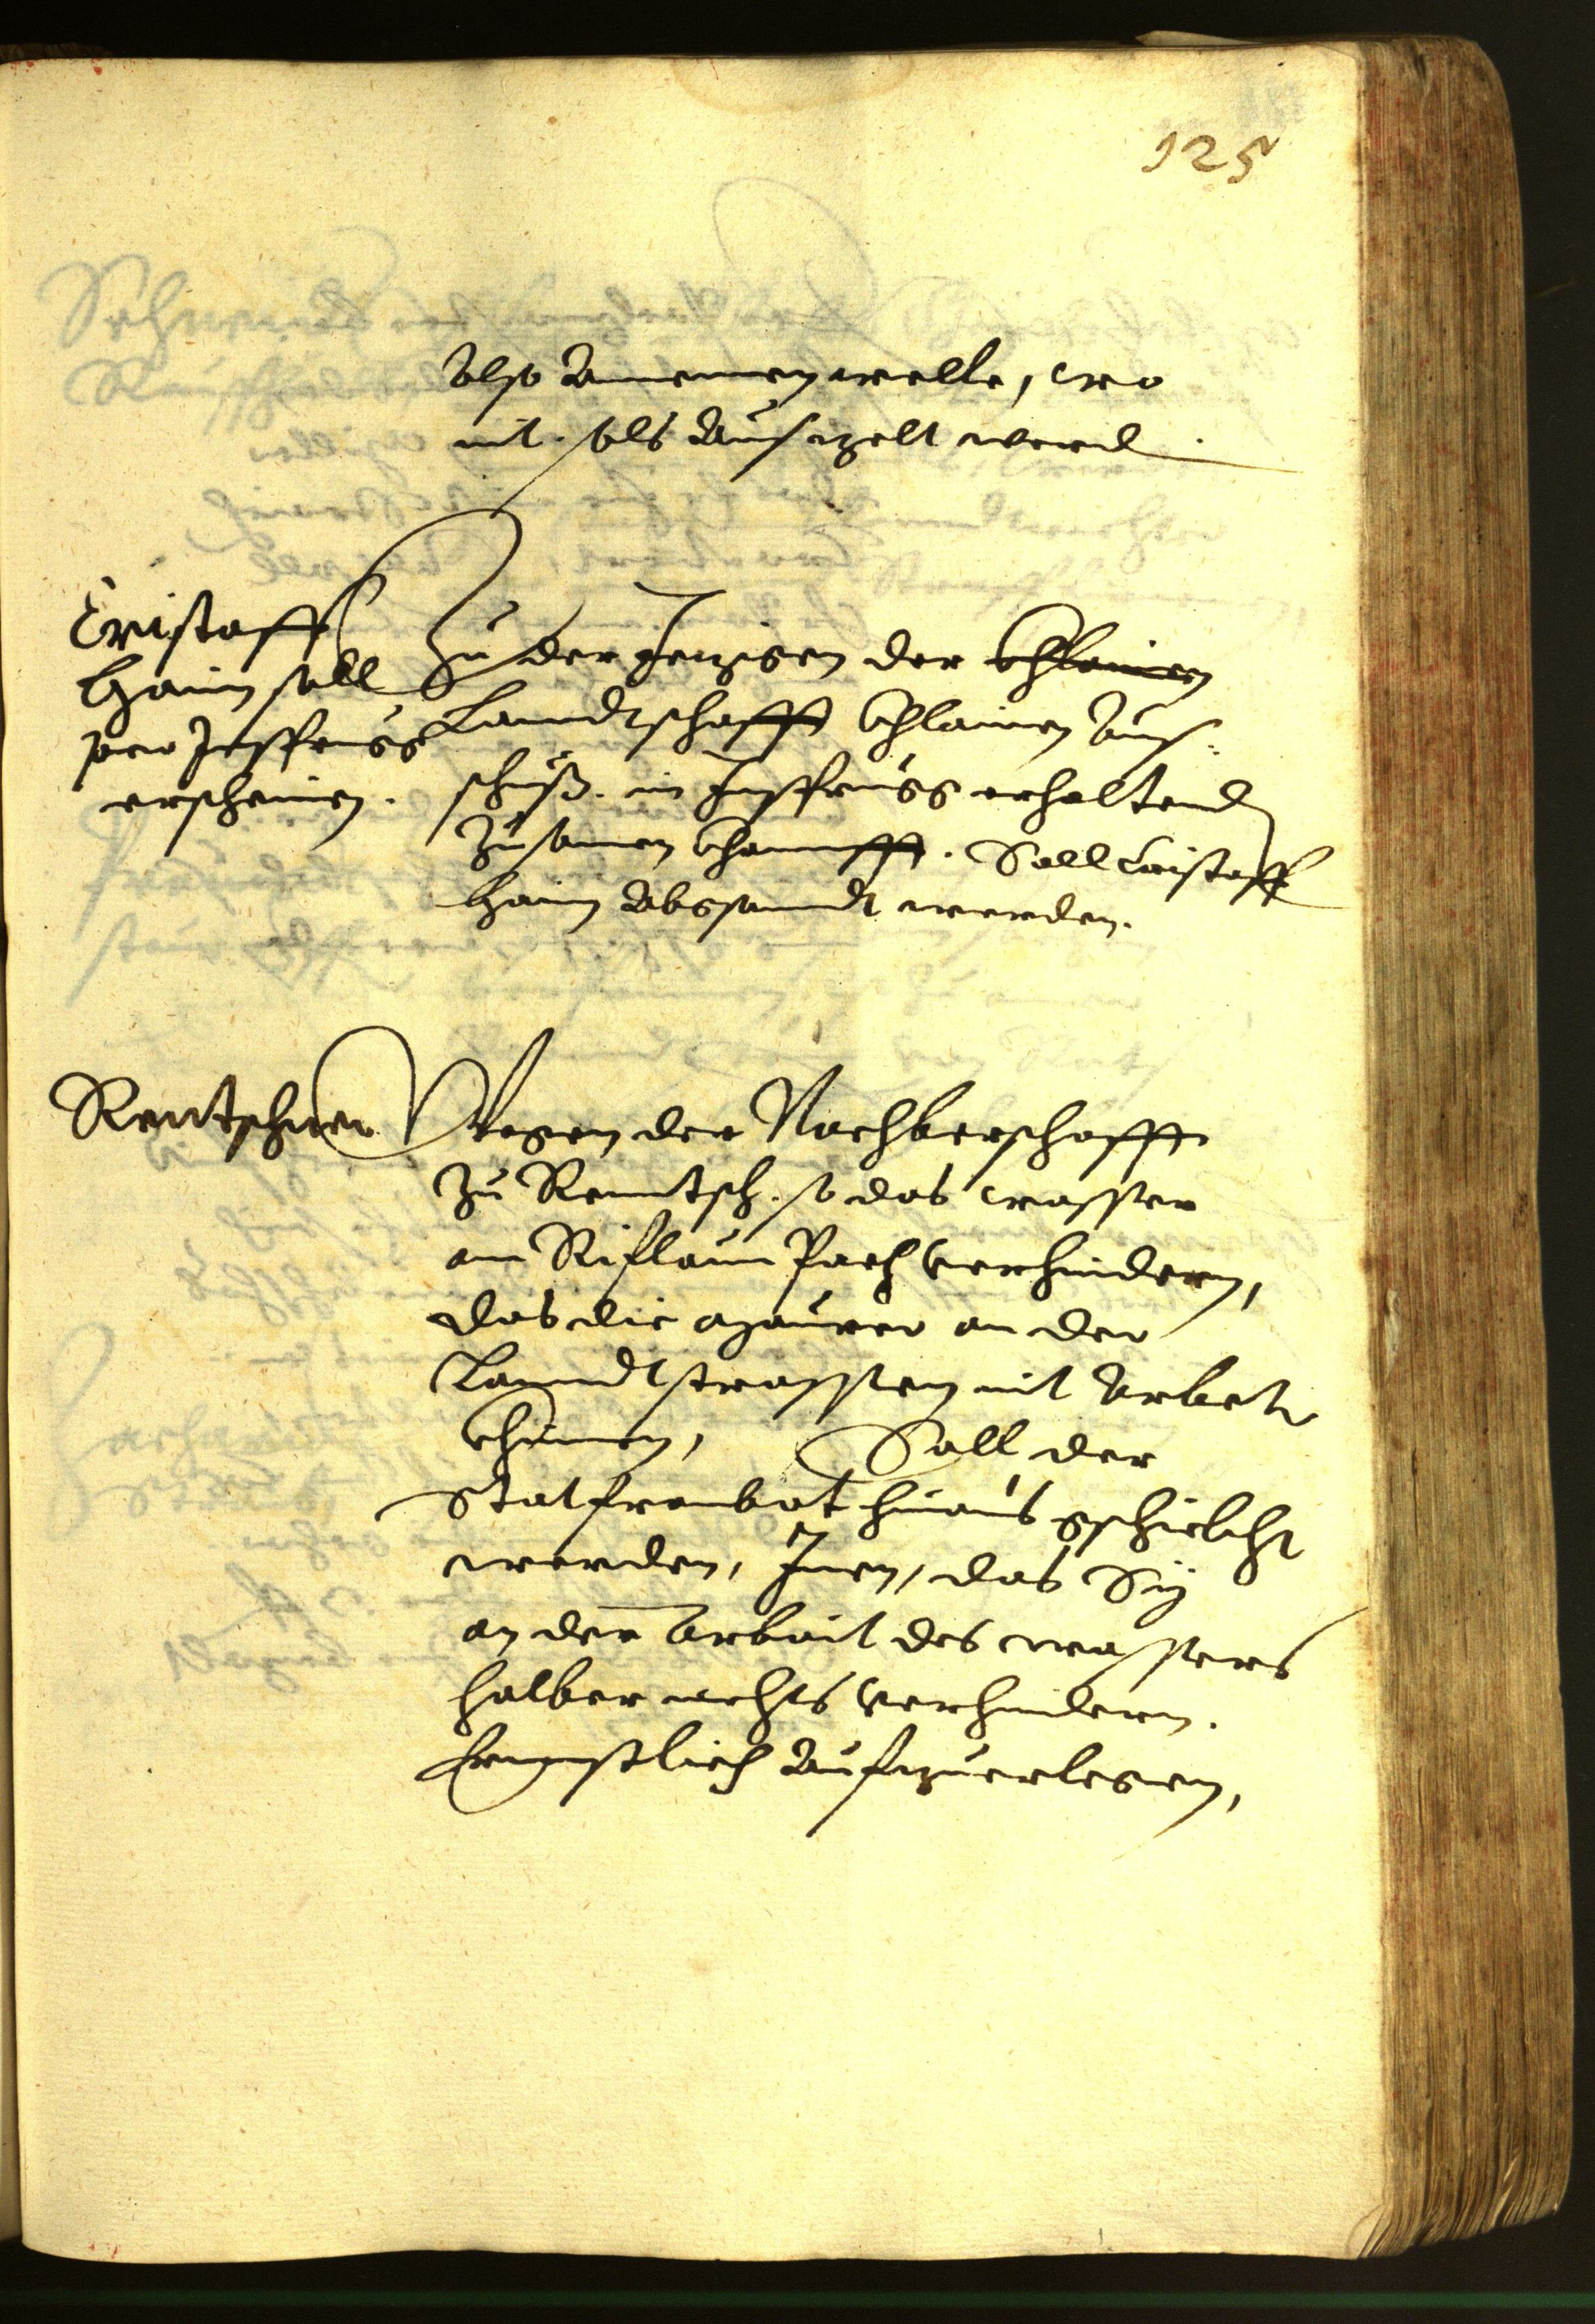125
Also Annemen welle, wo
nit. sols aūszelt werd.
Zū der Jezigen der khlainen
Lanndtschafft khlainen Aūs¬
schūß. in InsPrūgg erhaltend
Zūsamen khonnfft. Soll Cristoff
Haim Abgesanndt werden.
Cristoff
Haim soll
per InsPrūgg
erscheinen.
Wegen der Nachberschafft
Zū Renntsch. so das Wasser
am Riflaūn Pach verhindern,
das die Maūrer an der
Lanndtstrassen nit Arbet
khūnen, Soll der
Statfronbot hinaūs gschickht
werden, Inen das Sÿ
an der Arbait des Wassers
halber nichts verhindern.
Ernnstlich Aūfzūerlegen,
Rentschner